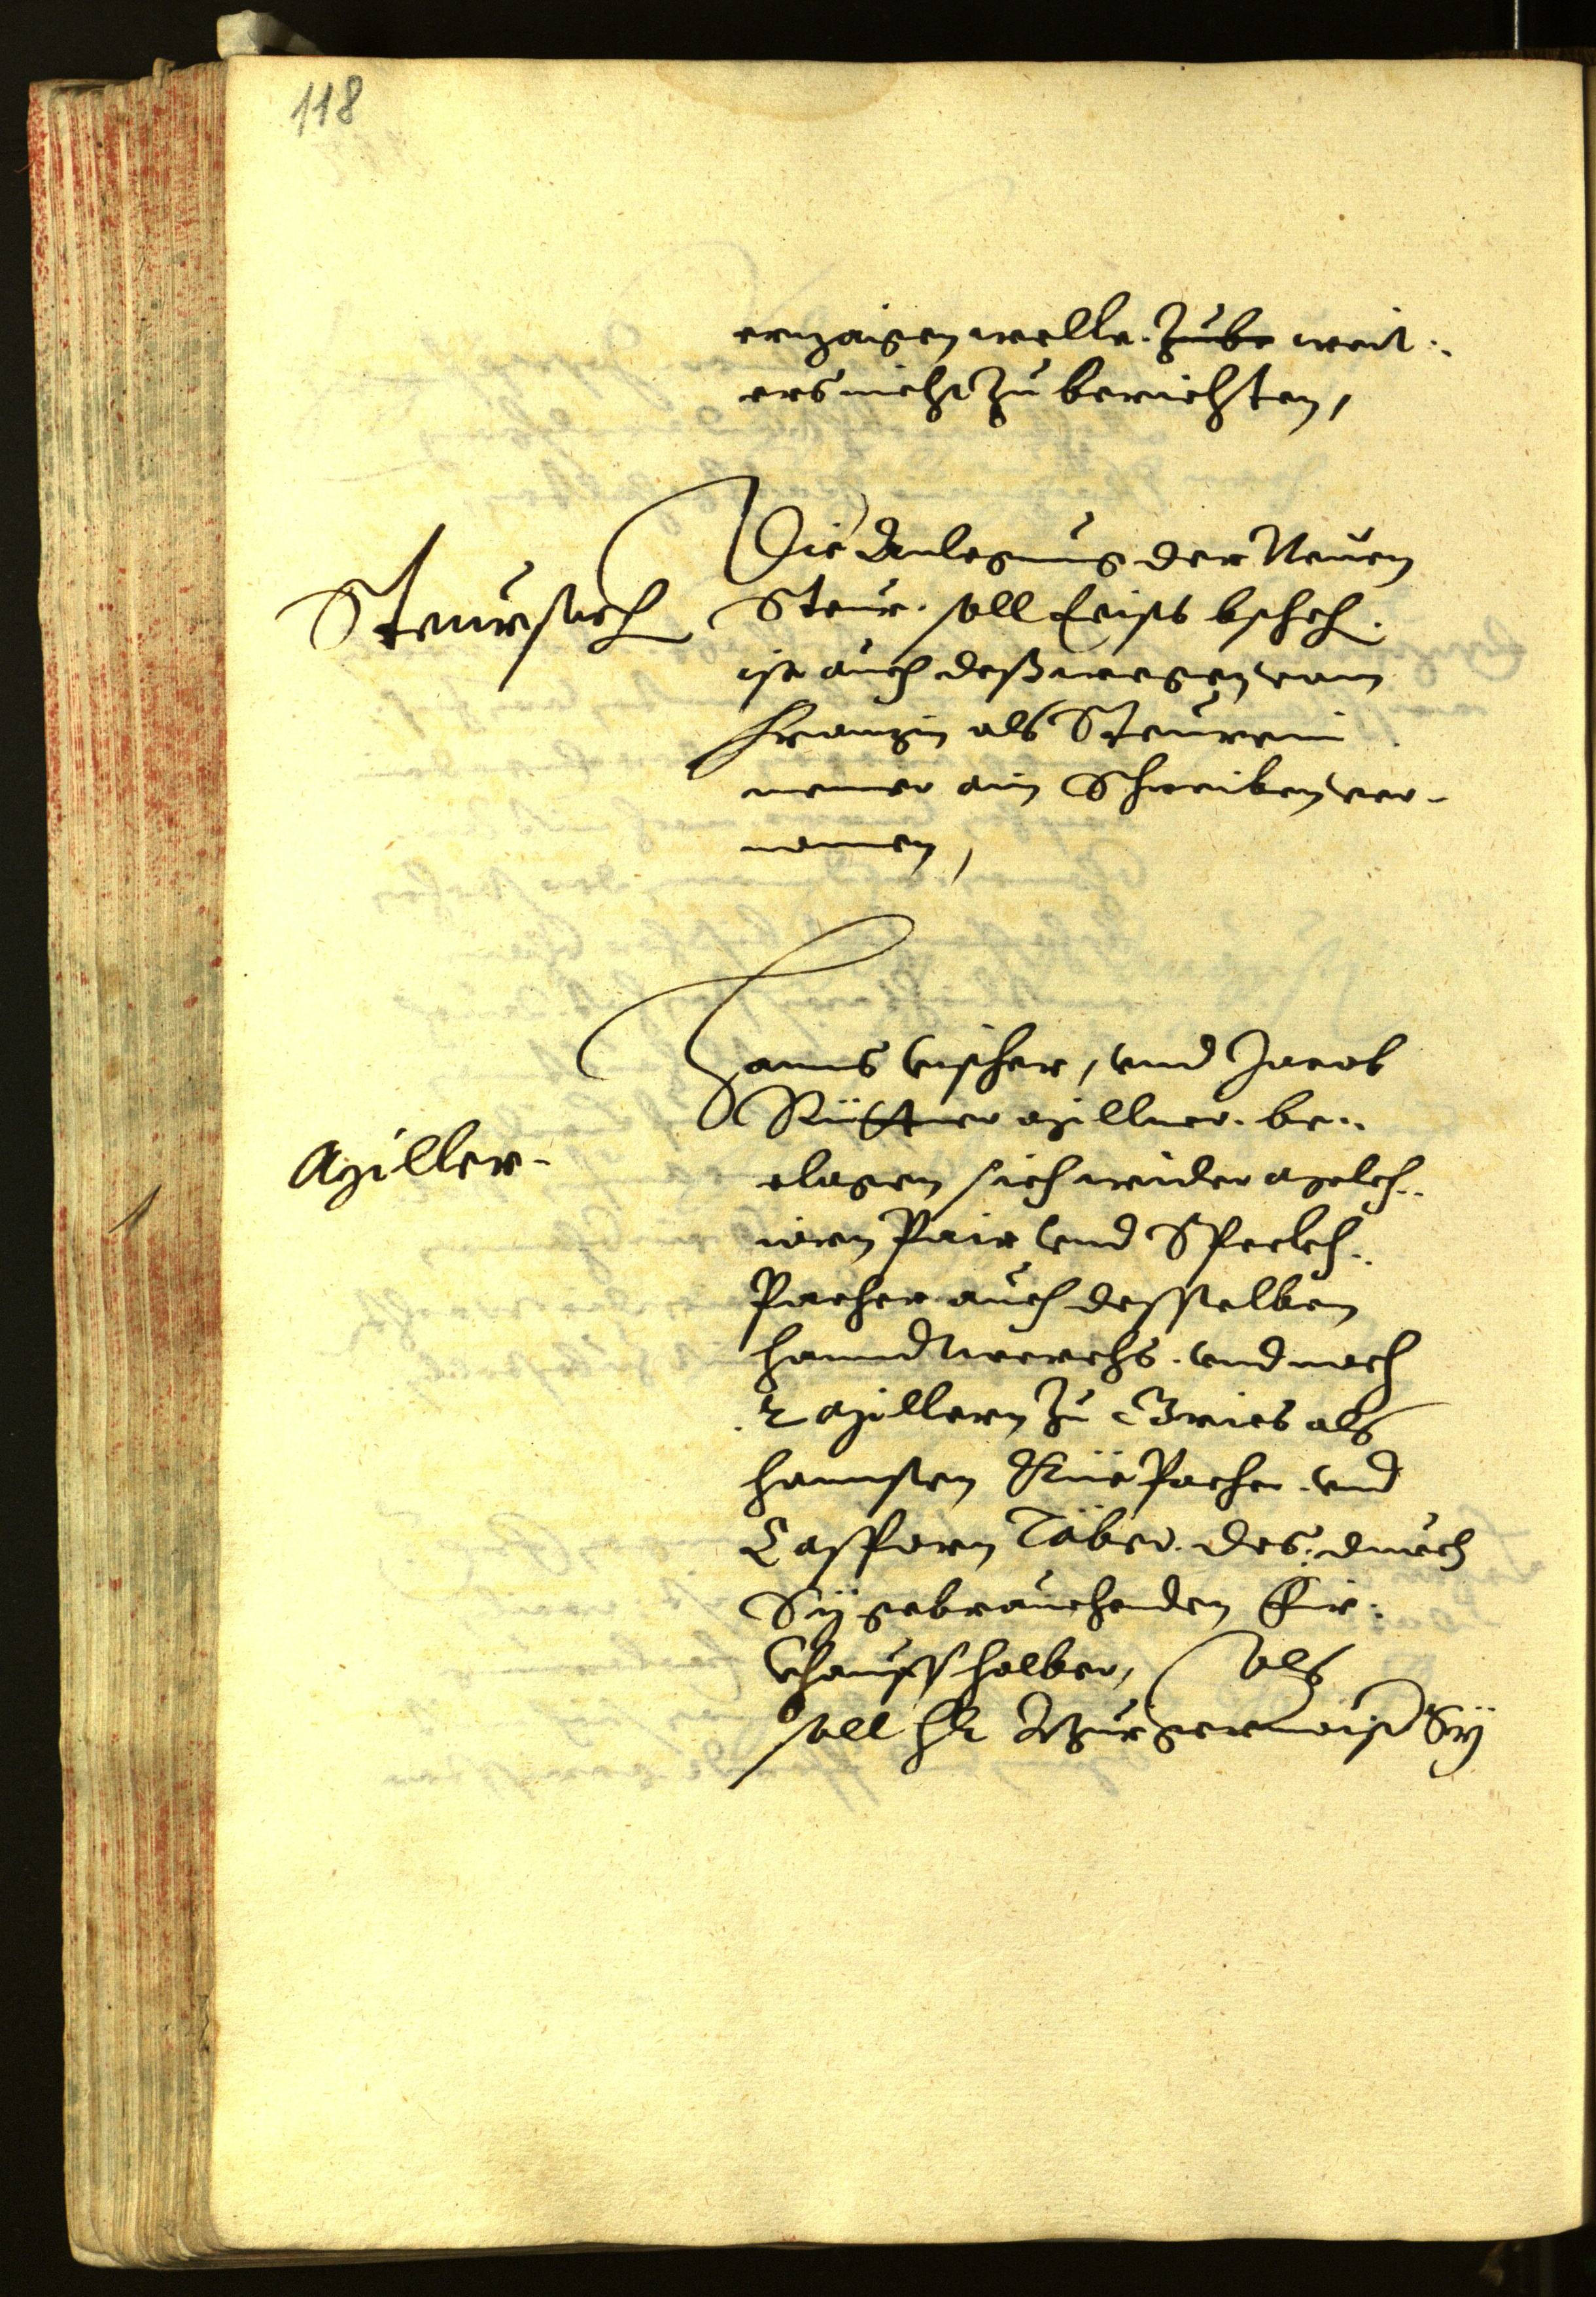118
erzaigen welle. Zū be weit¬
ers nicht Zū berichten,
Die Anlegūng der Neūen
Steūr. soll Eeist bscheh.
ist aūch deßwegen vom
Franzin als Steūrein¬
nemer ain Schreiben ver¬
nomen,
Steūrsach
Hanns vischer, vnd Jacob
Rüttner Millner. be¬
clagen sich wider Melch¬
iorn Pair vnd Speckh¬
Pacher aūch desselben
Hanndtwerchs. vnd noch
.2 Millern Zū Gries als
hannsen KüePacher. vnd
Casparn Täber. des dūrch
Sÿ gebraūchenden Fir¬
khaūfs halber, Als
soll hl Būrgermaist Sÿ
Miller.